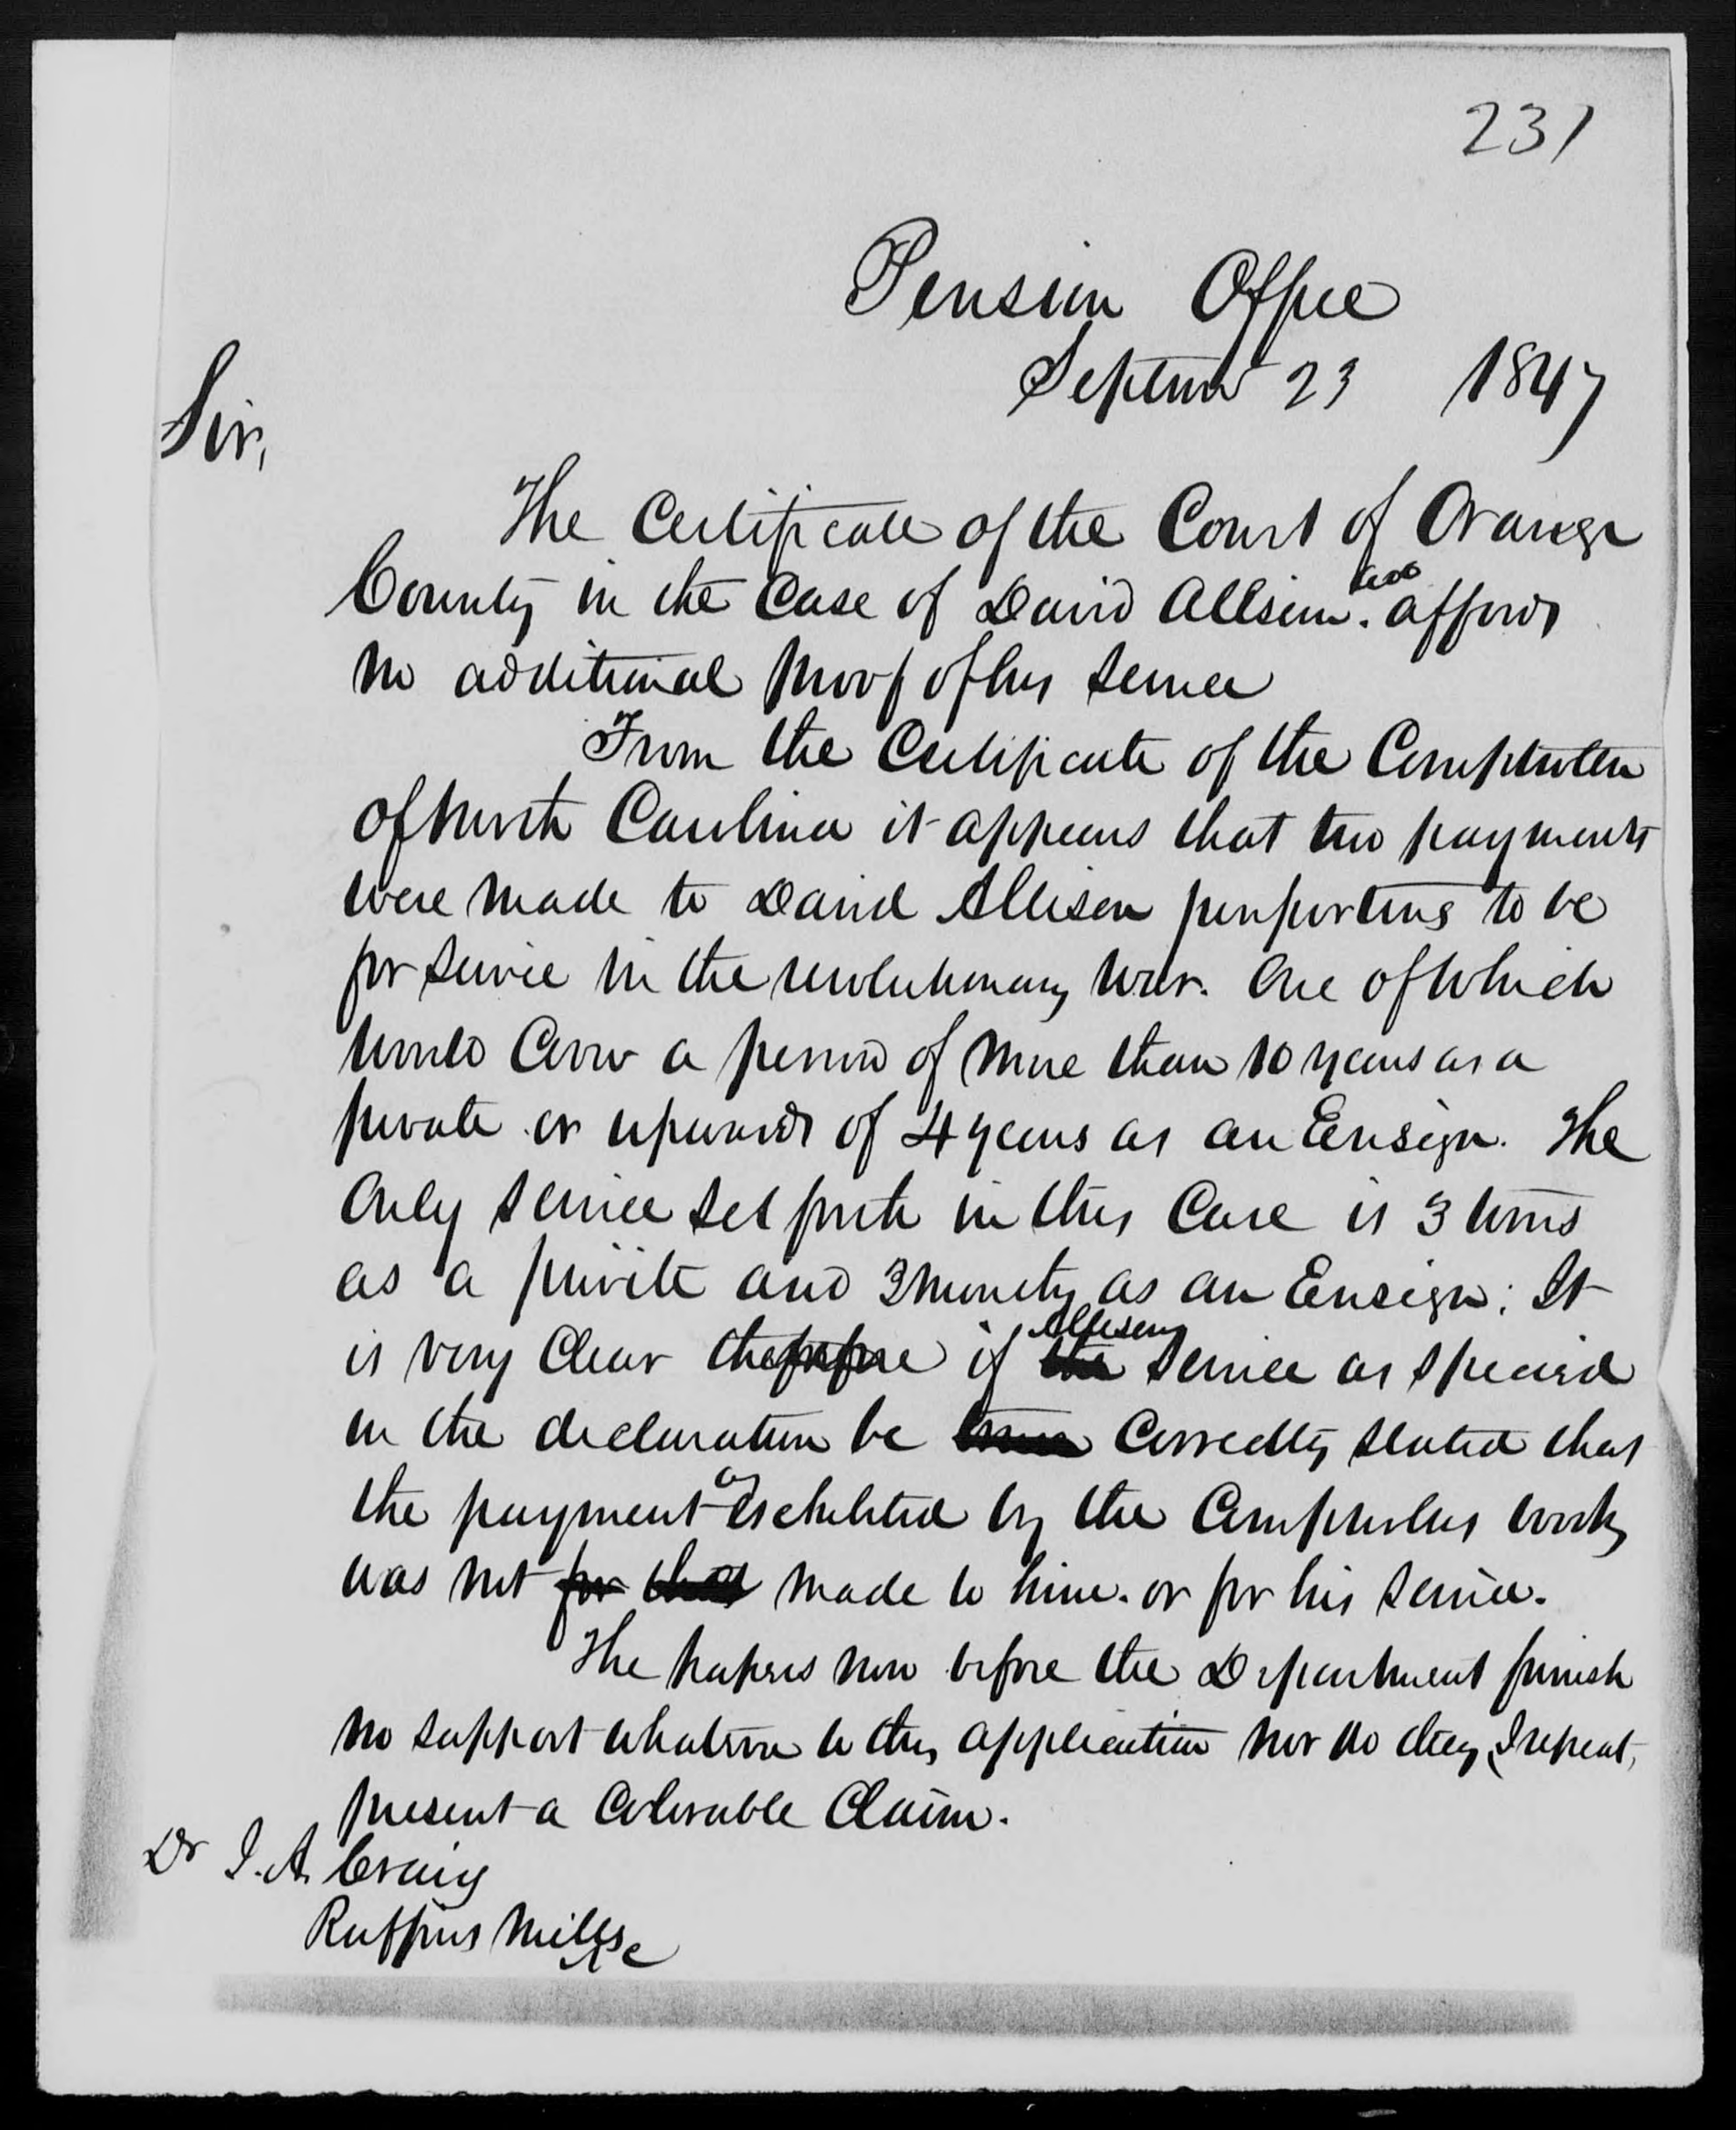237

Pension Office
September 23 1847

Sir, 
The certificate of the Court of Orange County in the case of David Allison. [---] aff[--] no additional proof of his service.
Form the Certificate of the Constitution of North Carolina it appears that two payments were made to David Allison [----] to be for service in the revolutionary order. One of which [--] [-] a [---] of more than 10 years as a Private or upward of 4 years as an Ensign. The only service set forth in this case is 3 [--] as a Private and 3 months as an Ensign. It is very clear [---] if [--] as [--] in the declaration then the payment [---] truly was not made to hum or for his service.
(incomplete)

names: David Allison, J A Craig, Allison Serrill, David Allison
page: 9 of 33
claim: rejected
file: R. 155, David Allison, N.C.